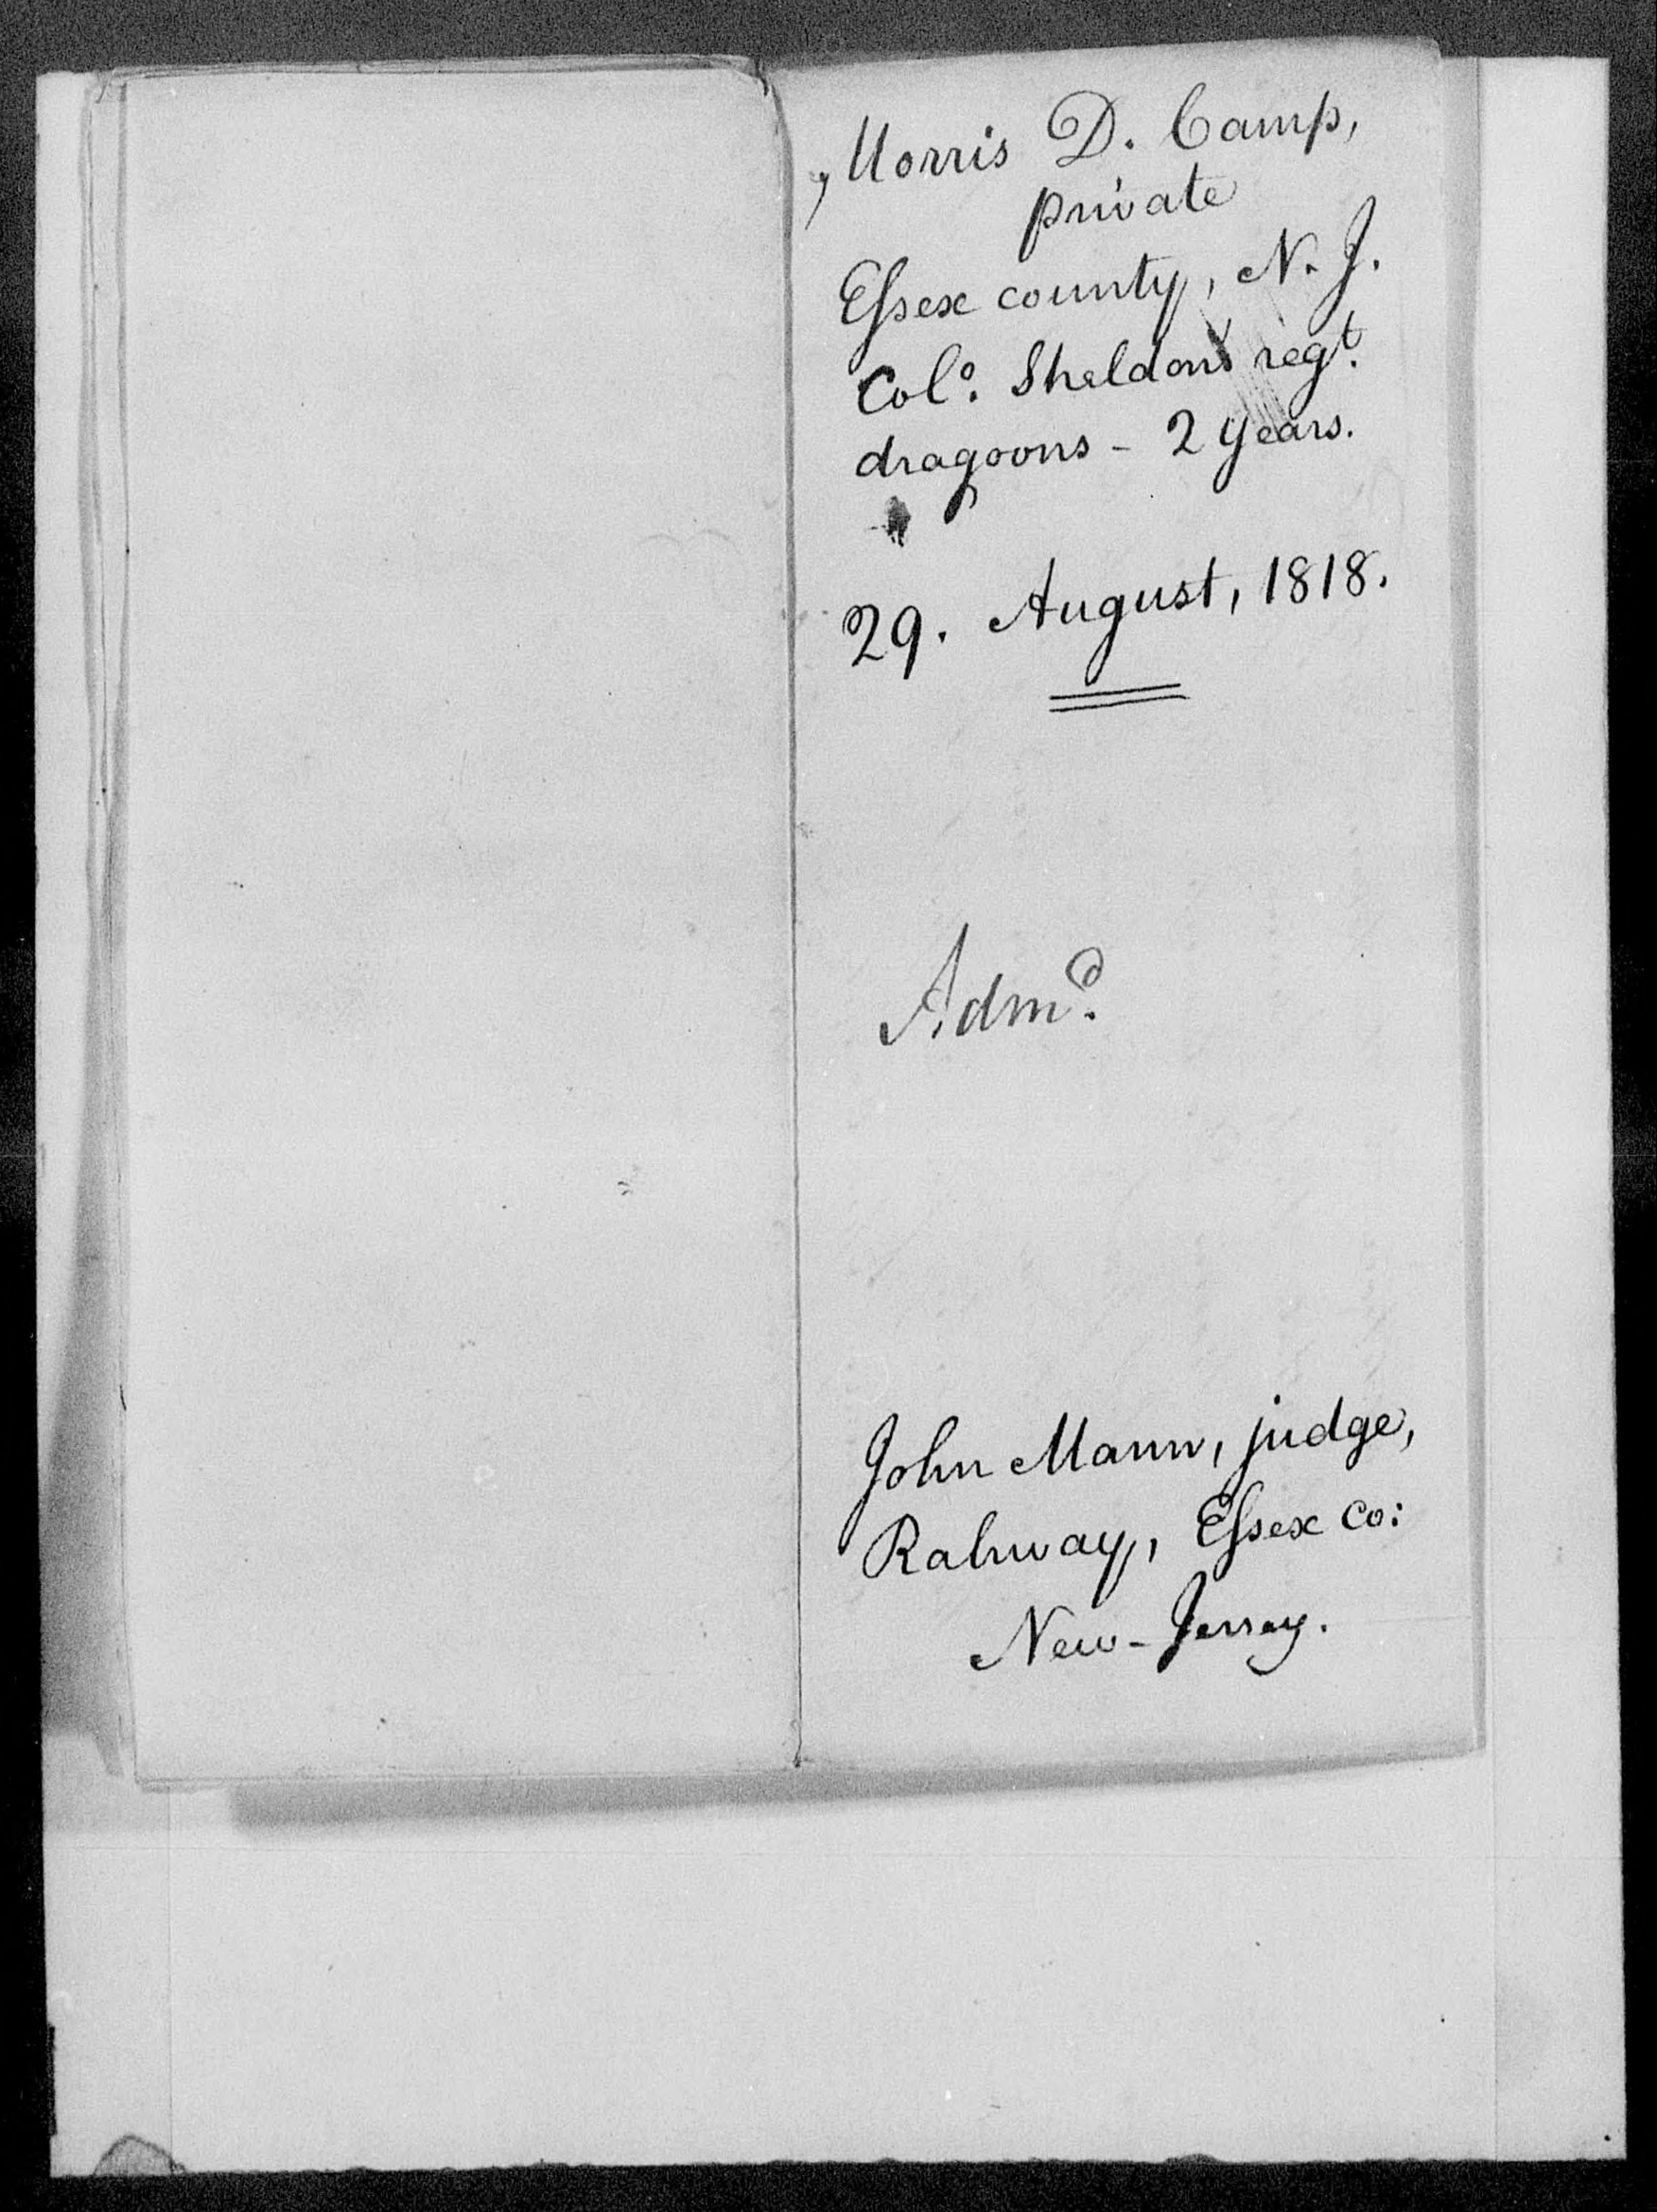Morris D. Camp, private
Essex county, N.J.
Col. Sheldon regt 
dragoons - 2 years

29 August, 1818

Adm.

John Mann, judge,
Rahway, Essex co:
New-Jersey.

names: Morris D Camp, John Mann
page: 4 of 52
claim: survivor's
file: S. 34172, Morris D Camp, Continental (New Jersey)